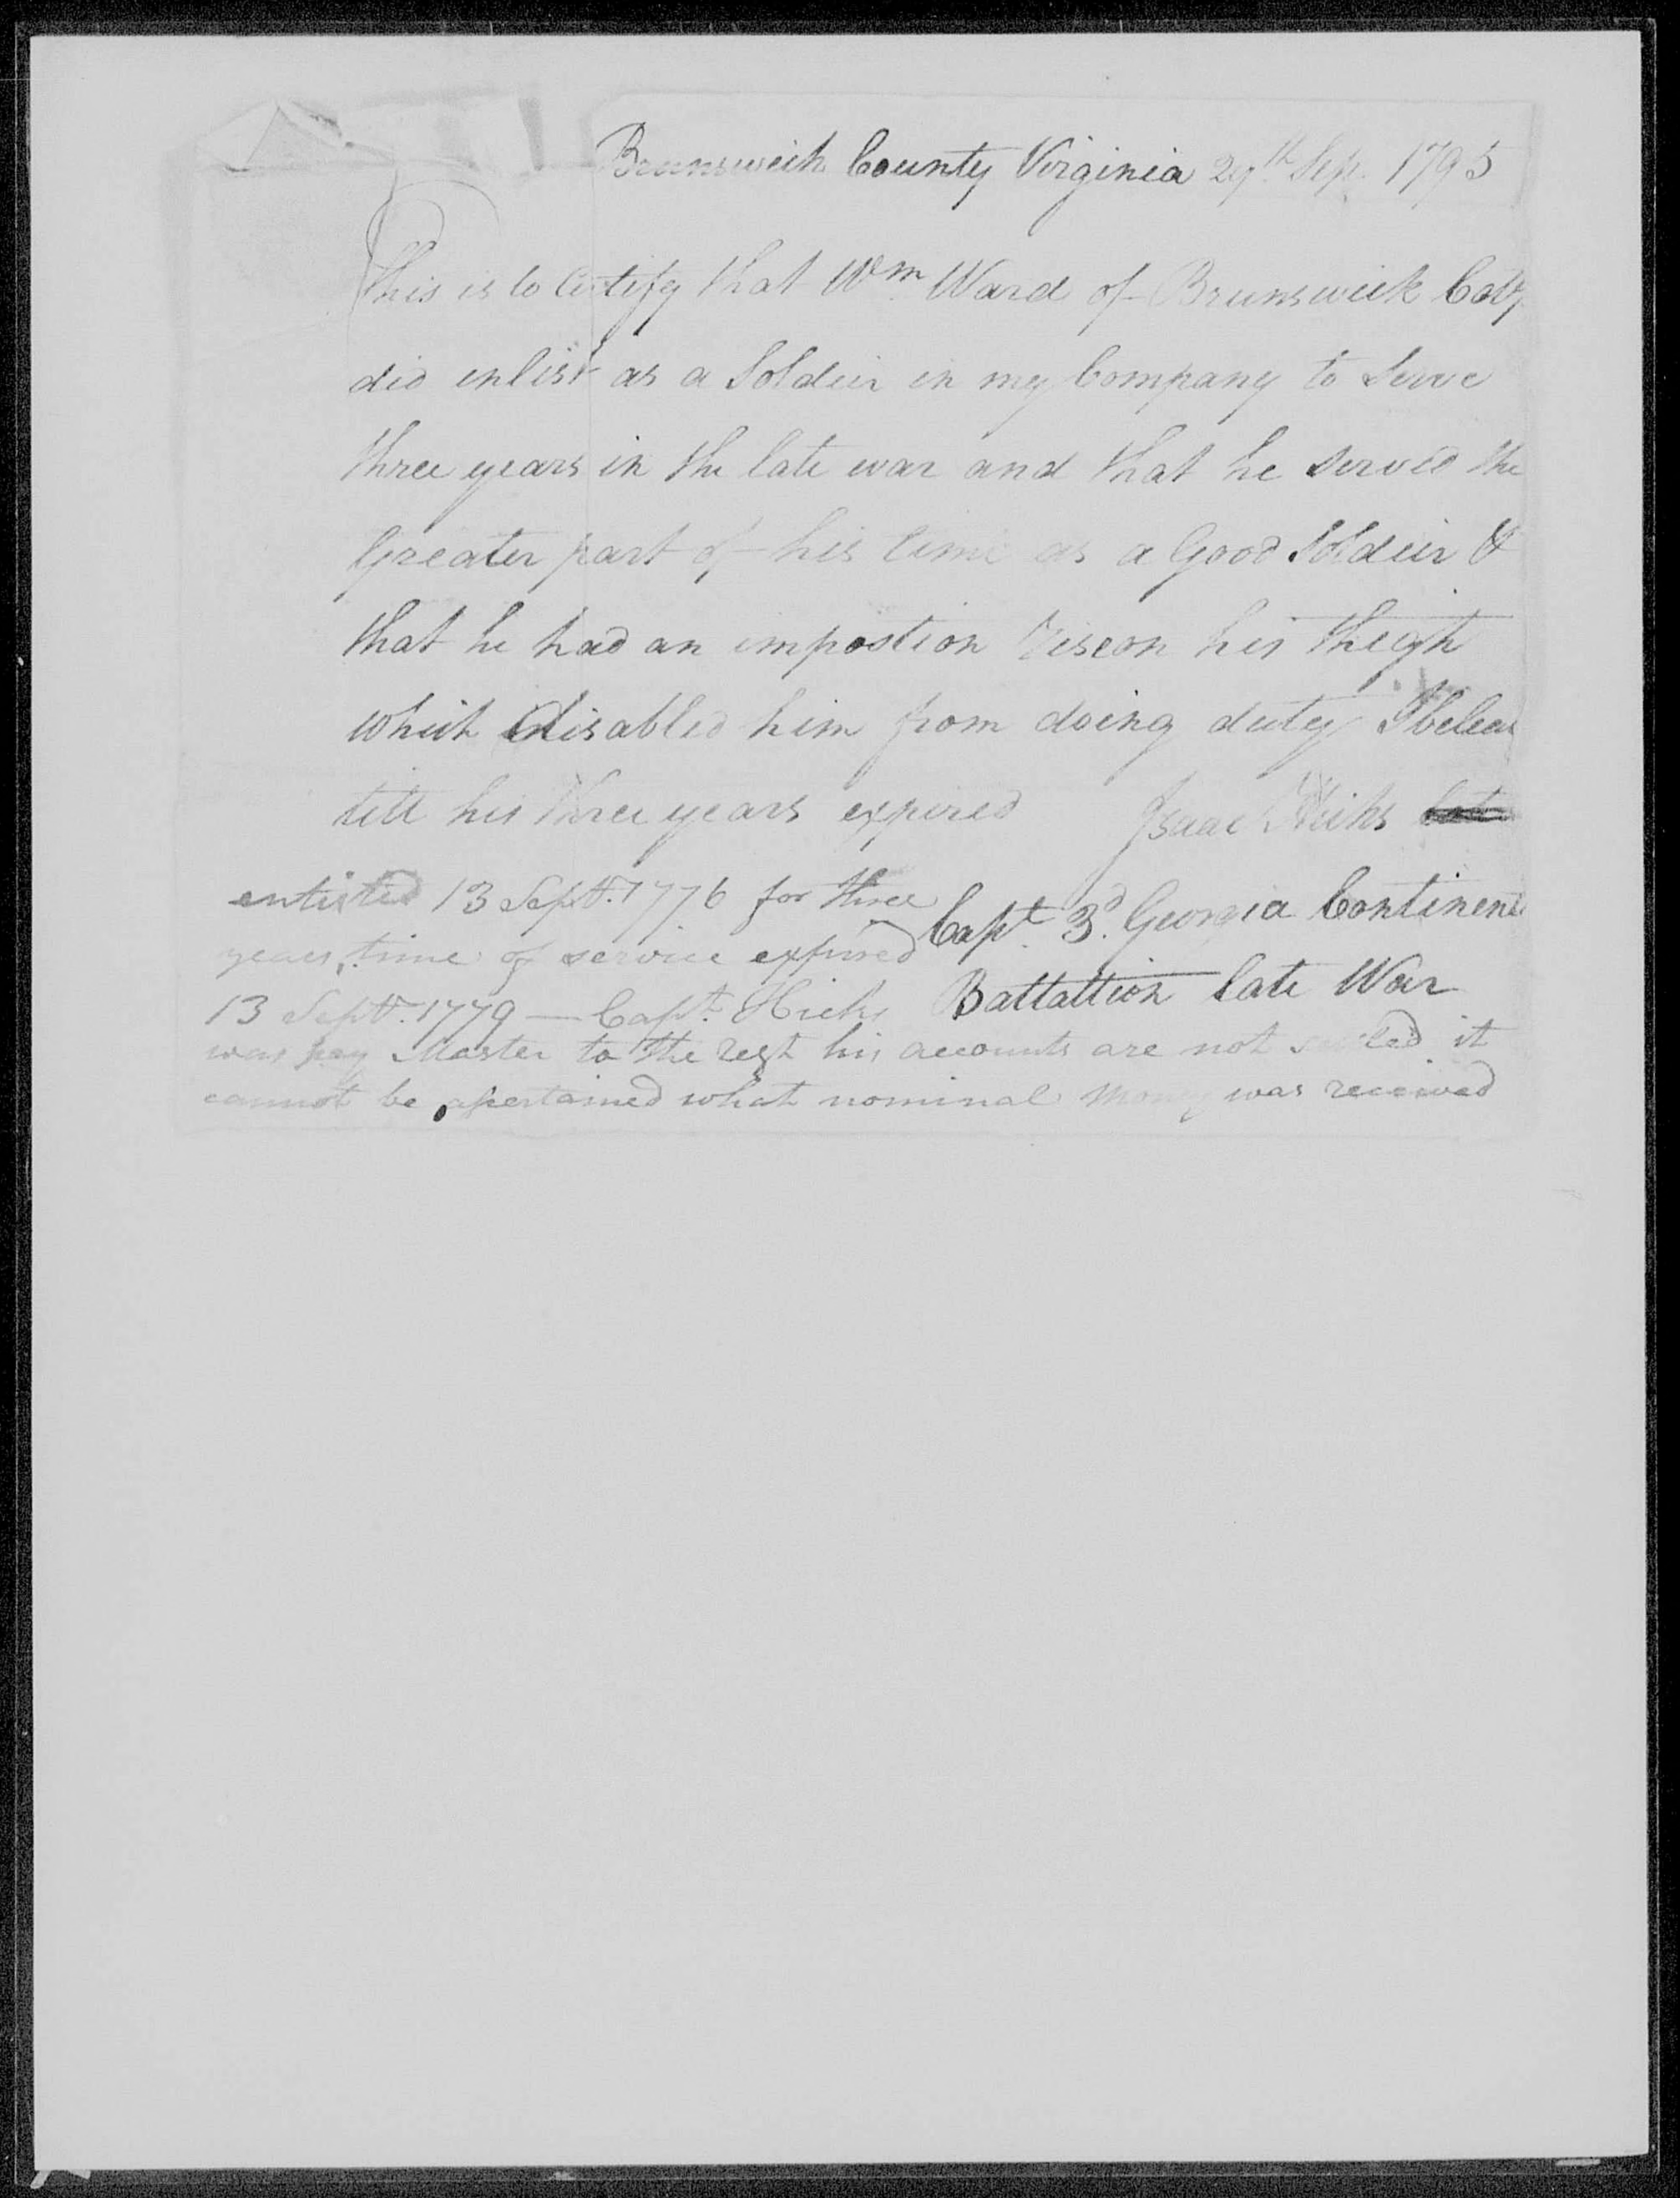Brunswick County Virginia 27th Sep. 1795
This is to certify that Wm Ward of Brunswick Coty
did enlist as a Soldier in my Company to serve
three years in the late war and that he served the
Greater part of his time as a good Soldier &
that he had an impostion rise on his thigh
which disabled him from doing duty I believe
till his three years expired
Isaac Hicks
Capt 3rd Georgia Continental 
Battallion late War
enlisted 13 Sept 1776 for three
years time of service expired
13 Sept. 1779 - Capt Hicks
was pay master to the Regt his accounts are not settled it cannot be ascertained what nominal money was received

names: Hicks, Wm Ward, Isaac Hicks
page: 9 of 17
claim: survivor's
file: S. 42053, William Ward, Ga.